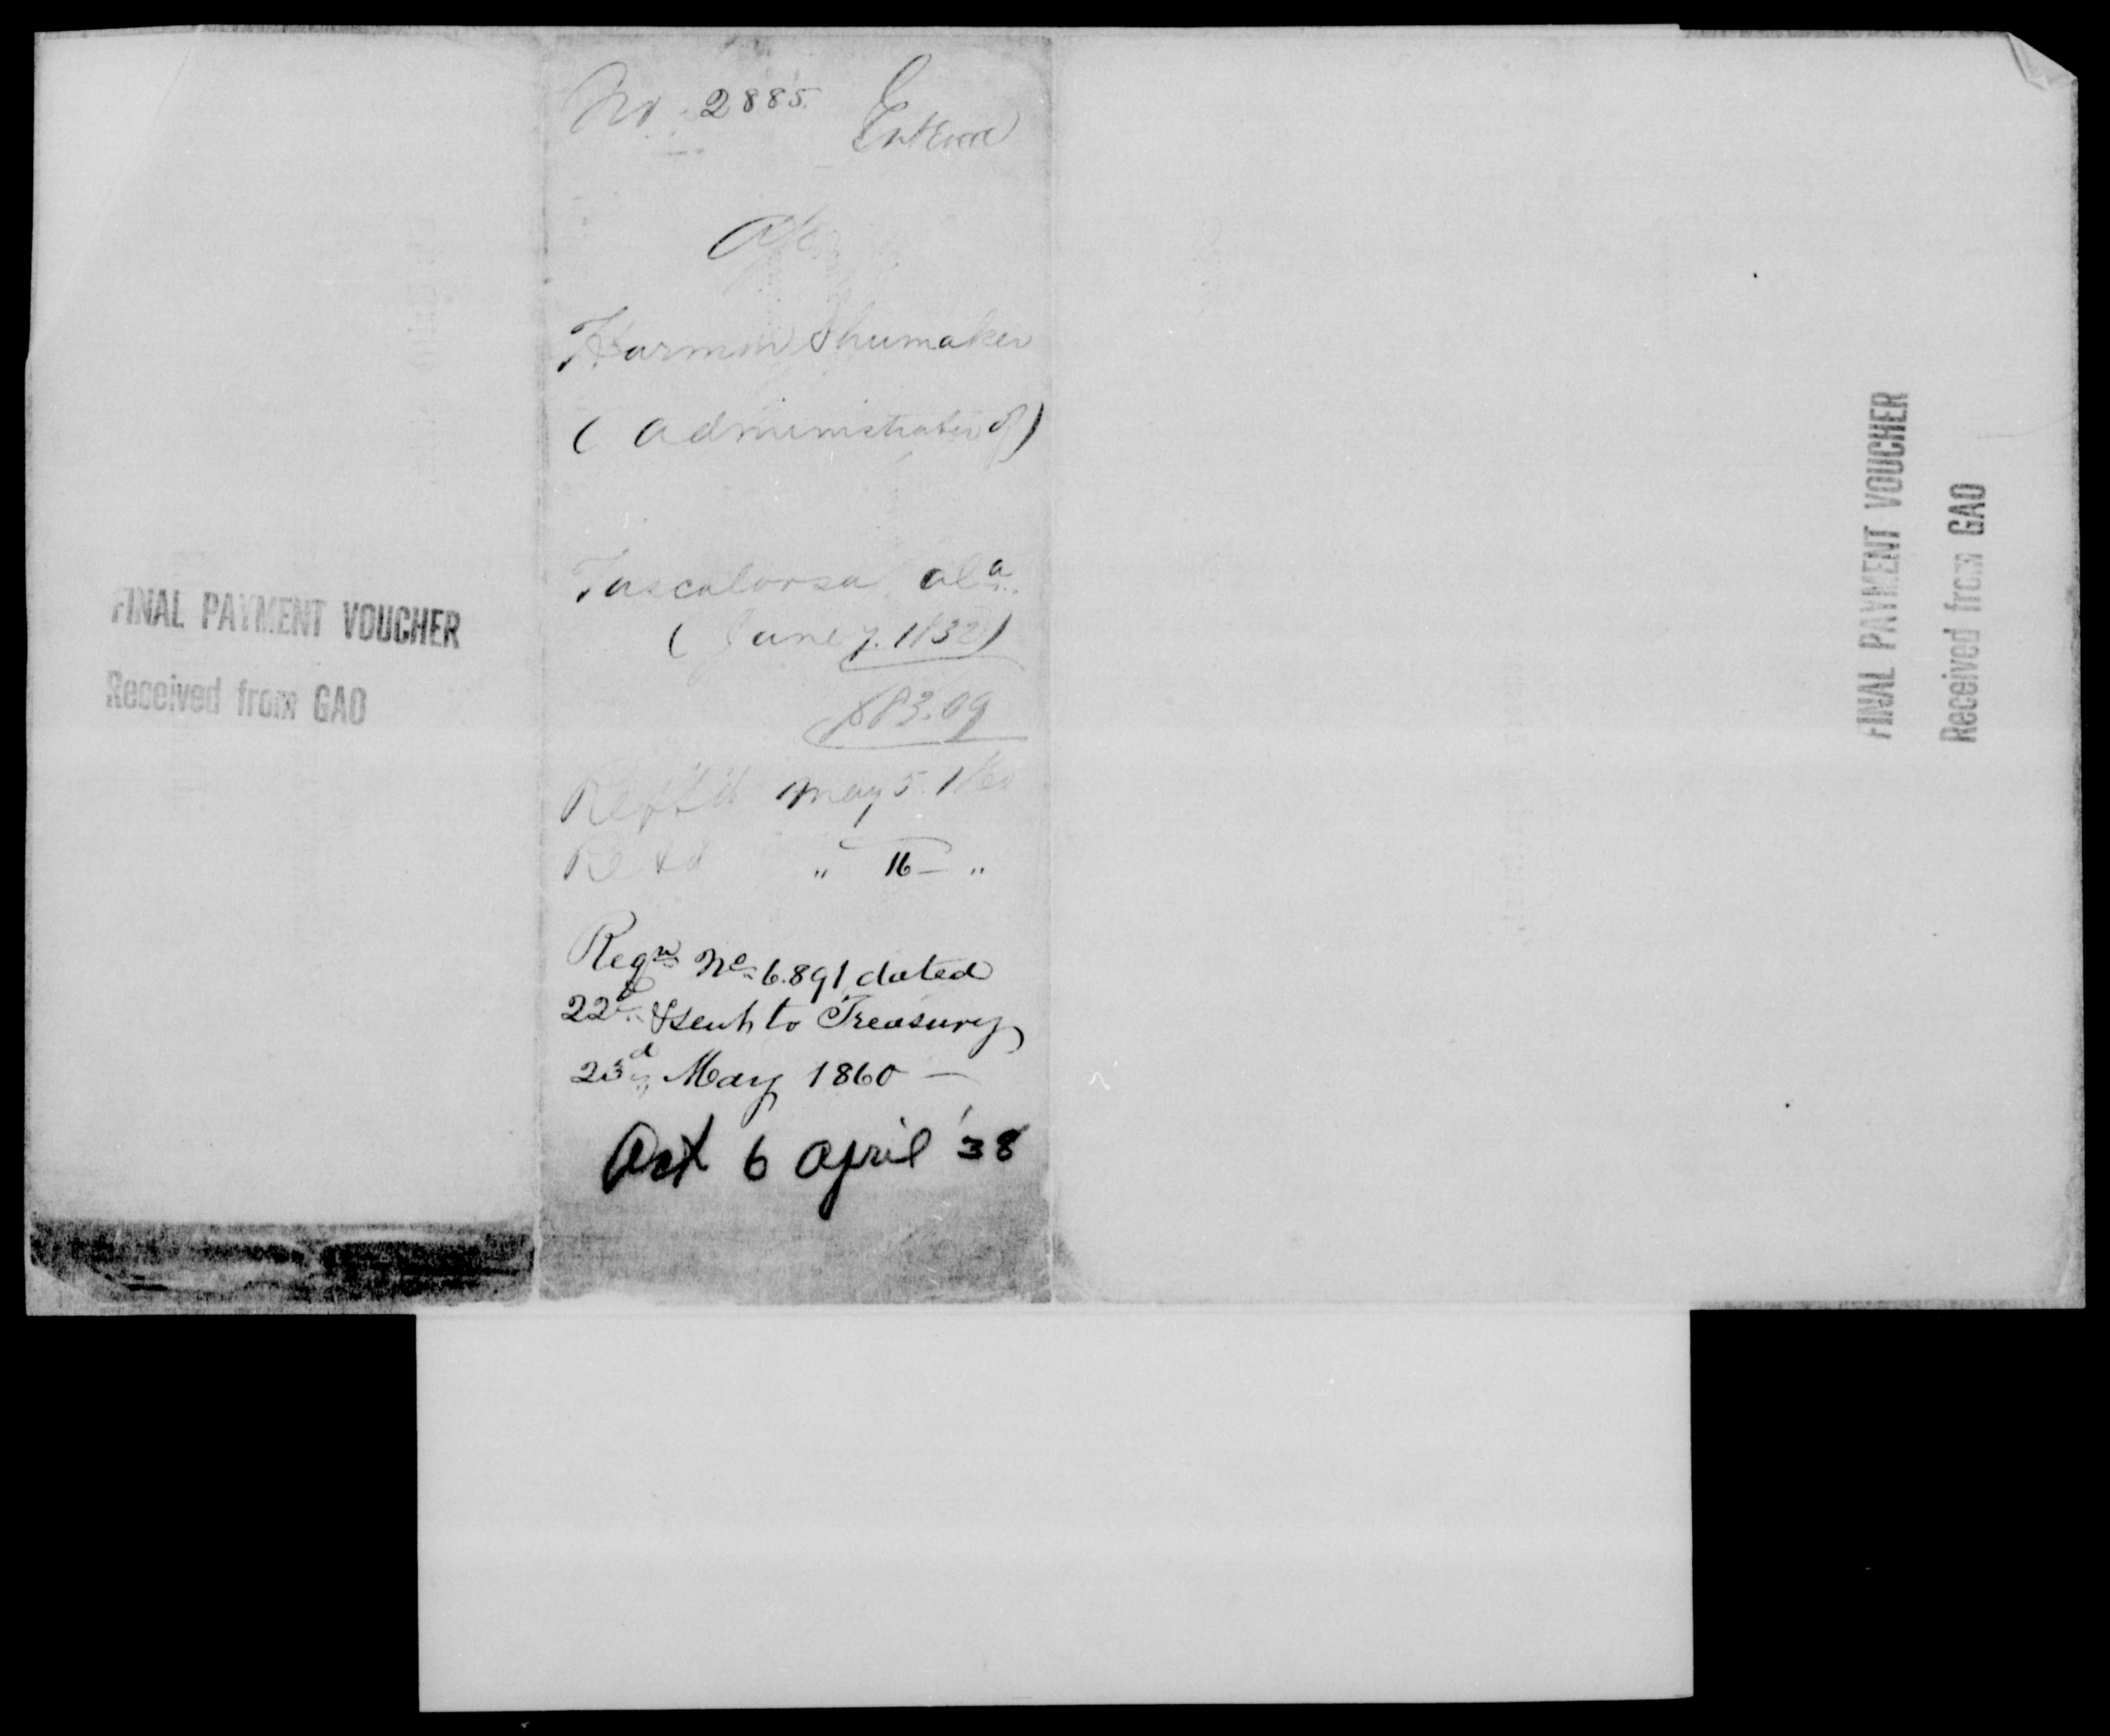FINAL PAYMENT VOUCHER
Received from GAO

No 2885.
(unreadable)
(unreadable)

Harmon Shumaker
administrator of
Tuscaloosa all
June 7 1832)
$83.09
Refiled May 5th 1860
Restd May 16 1860


Regt No 6. 891 dated
22d & sent to Treasury
23d May 1860 -
Act 6 April 38

FNAL PAYMENT VOUCHER
Received from GAO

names: Harmon Shumaker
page: 12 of 20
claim: survivor's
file: S. 32512, for Harmon Shumaker, Maryland